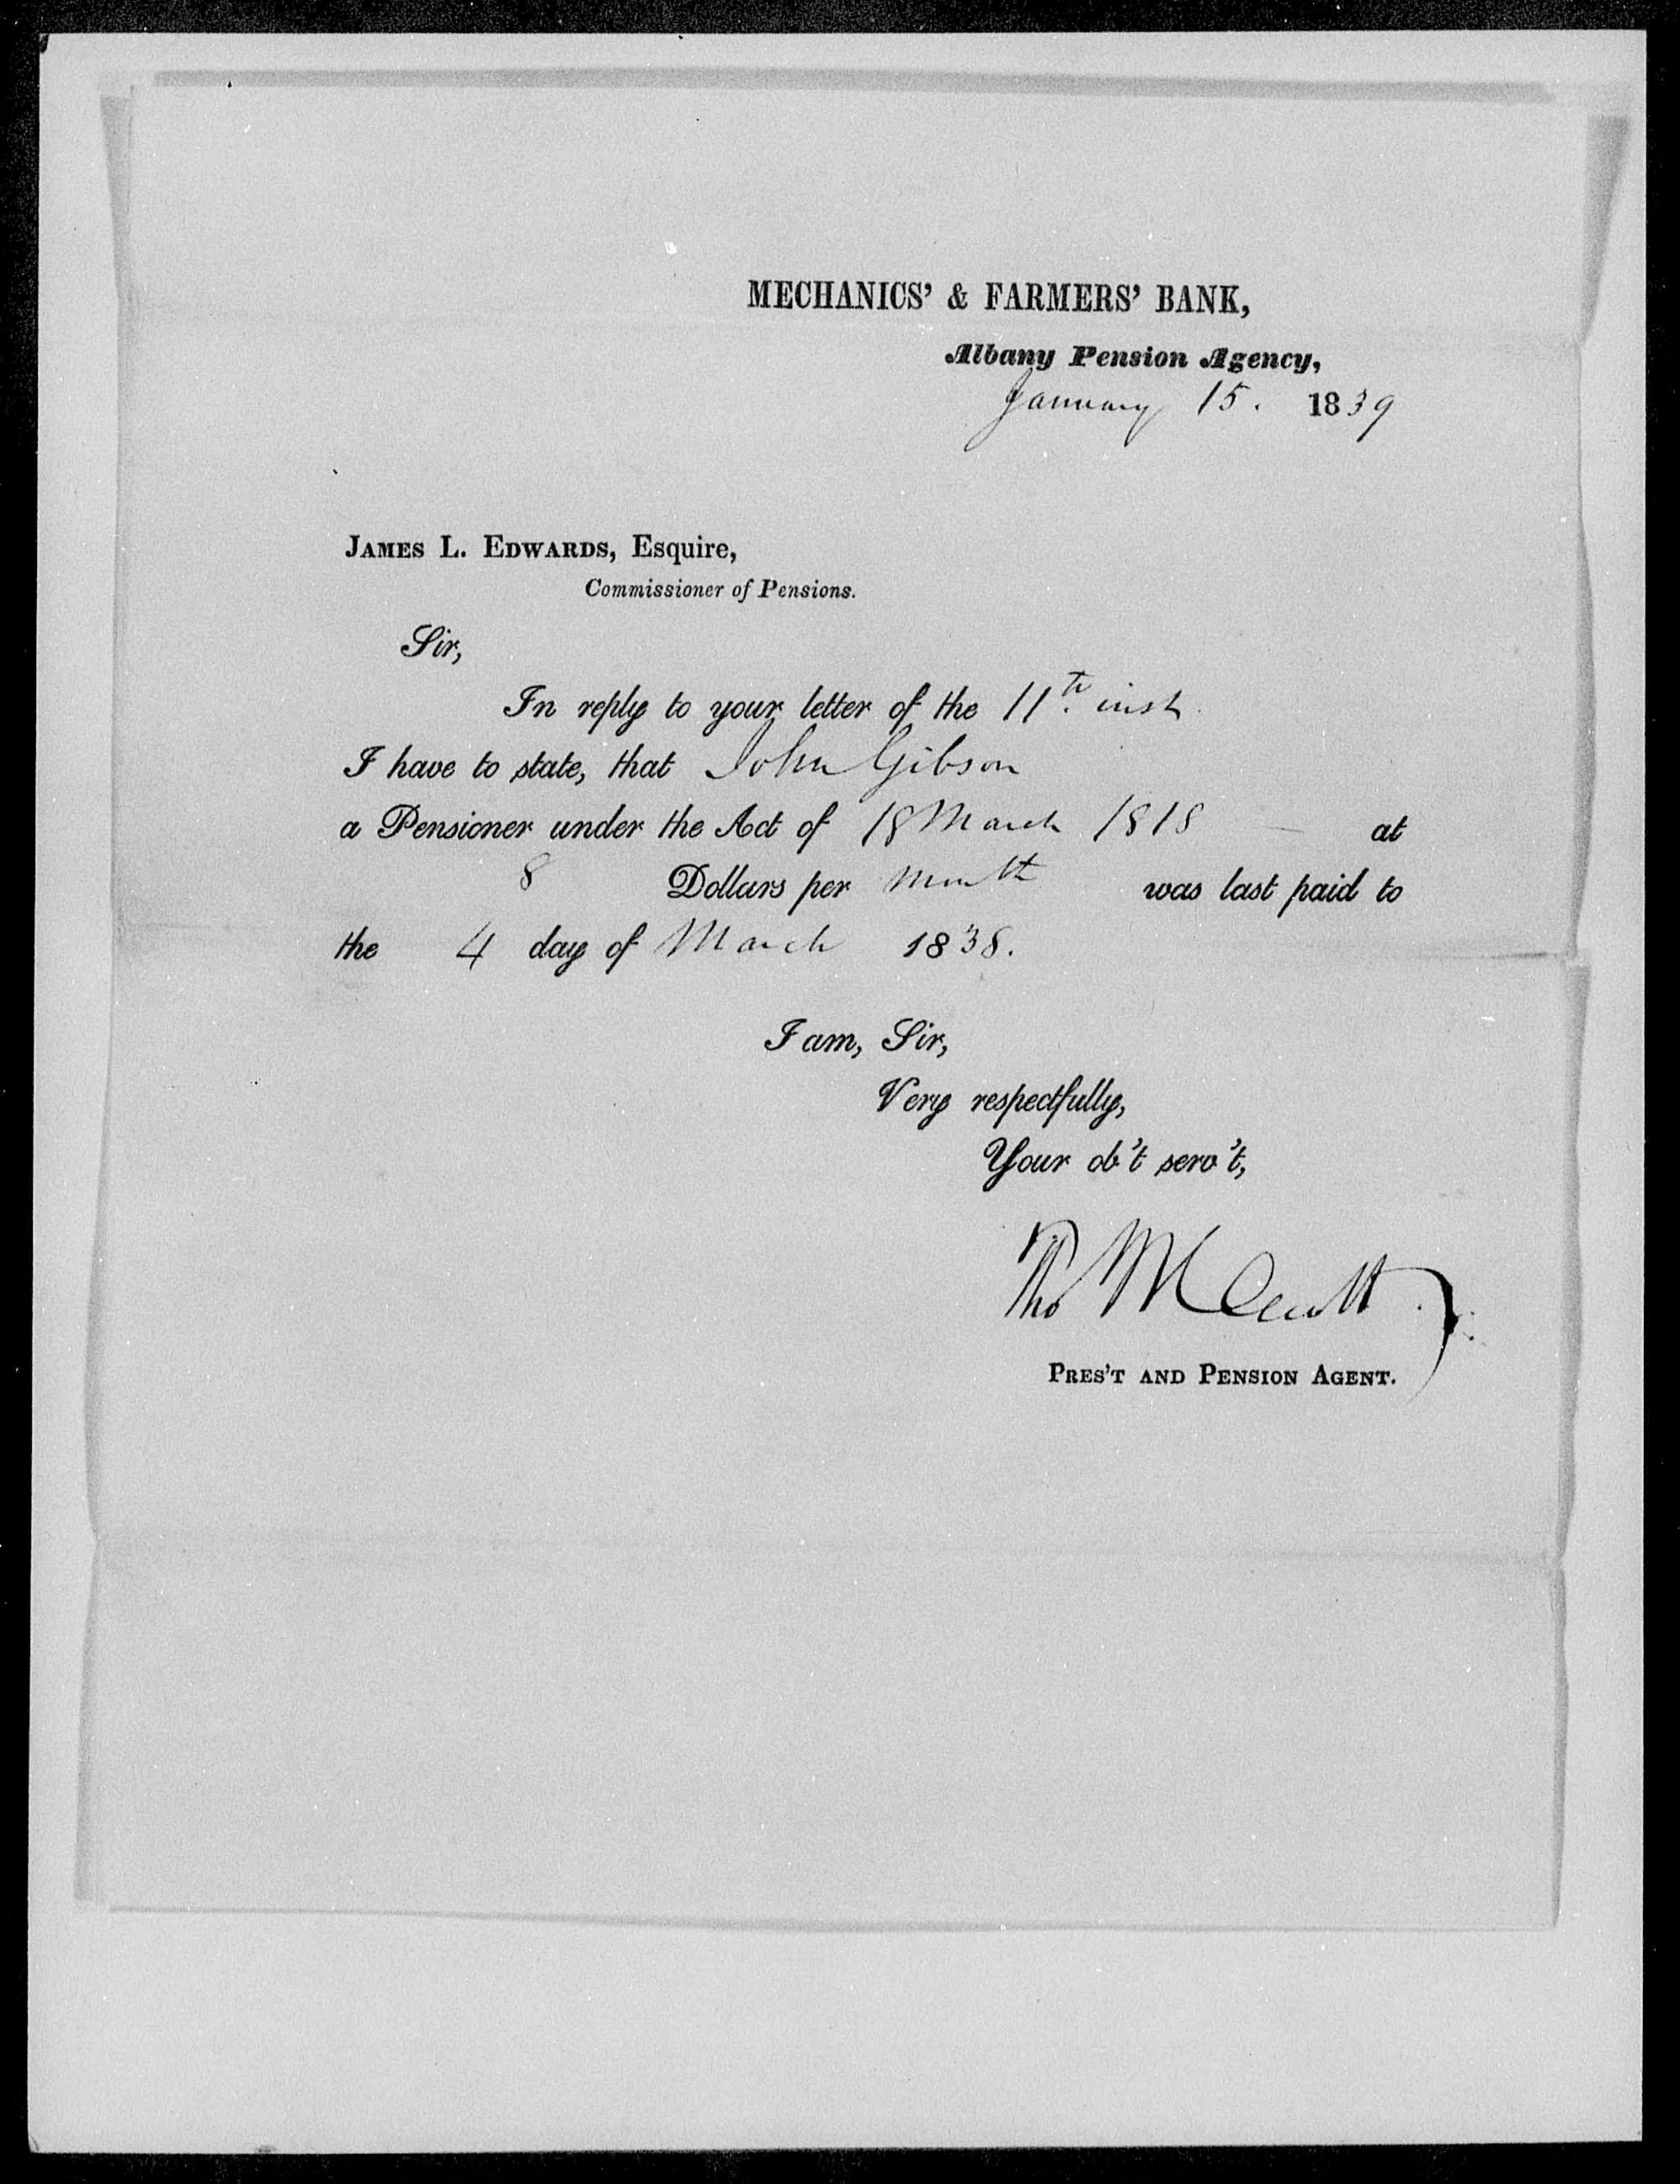MECHANICS' & FARMERS' BANK
Albany Pension Agency
January 15, 1839

James L. Edwards, Esquire,
Commissioner of Pensions

Sir,

In reply to your letter of the 11th inst
I have to state, that John Gibson a pensioner under the Act of 18 March 1818 at 8 dollars per month was last paid to the 4 day of March 1838.

I am, Sir, 
Very respectfully,
Your ob't serv't,

Tho W. Olcott

Pres't and Pension Agent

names: Thos W Olcott, John Gibson, James L Edwards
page: 22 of 32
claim: survivor's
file: S. 34899, John Gibson, R.I.